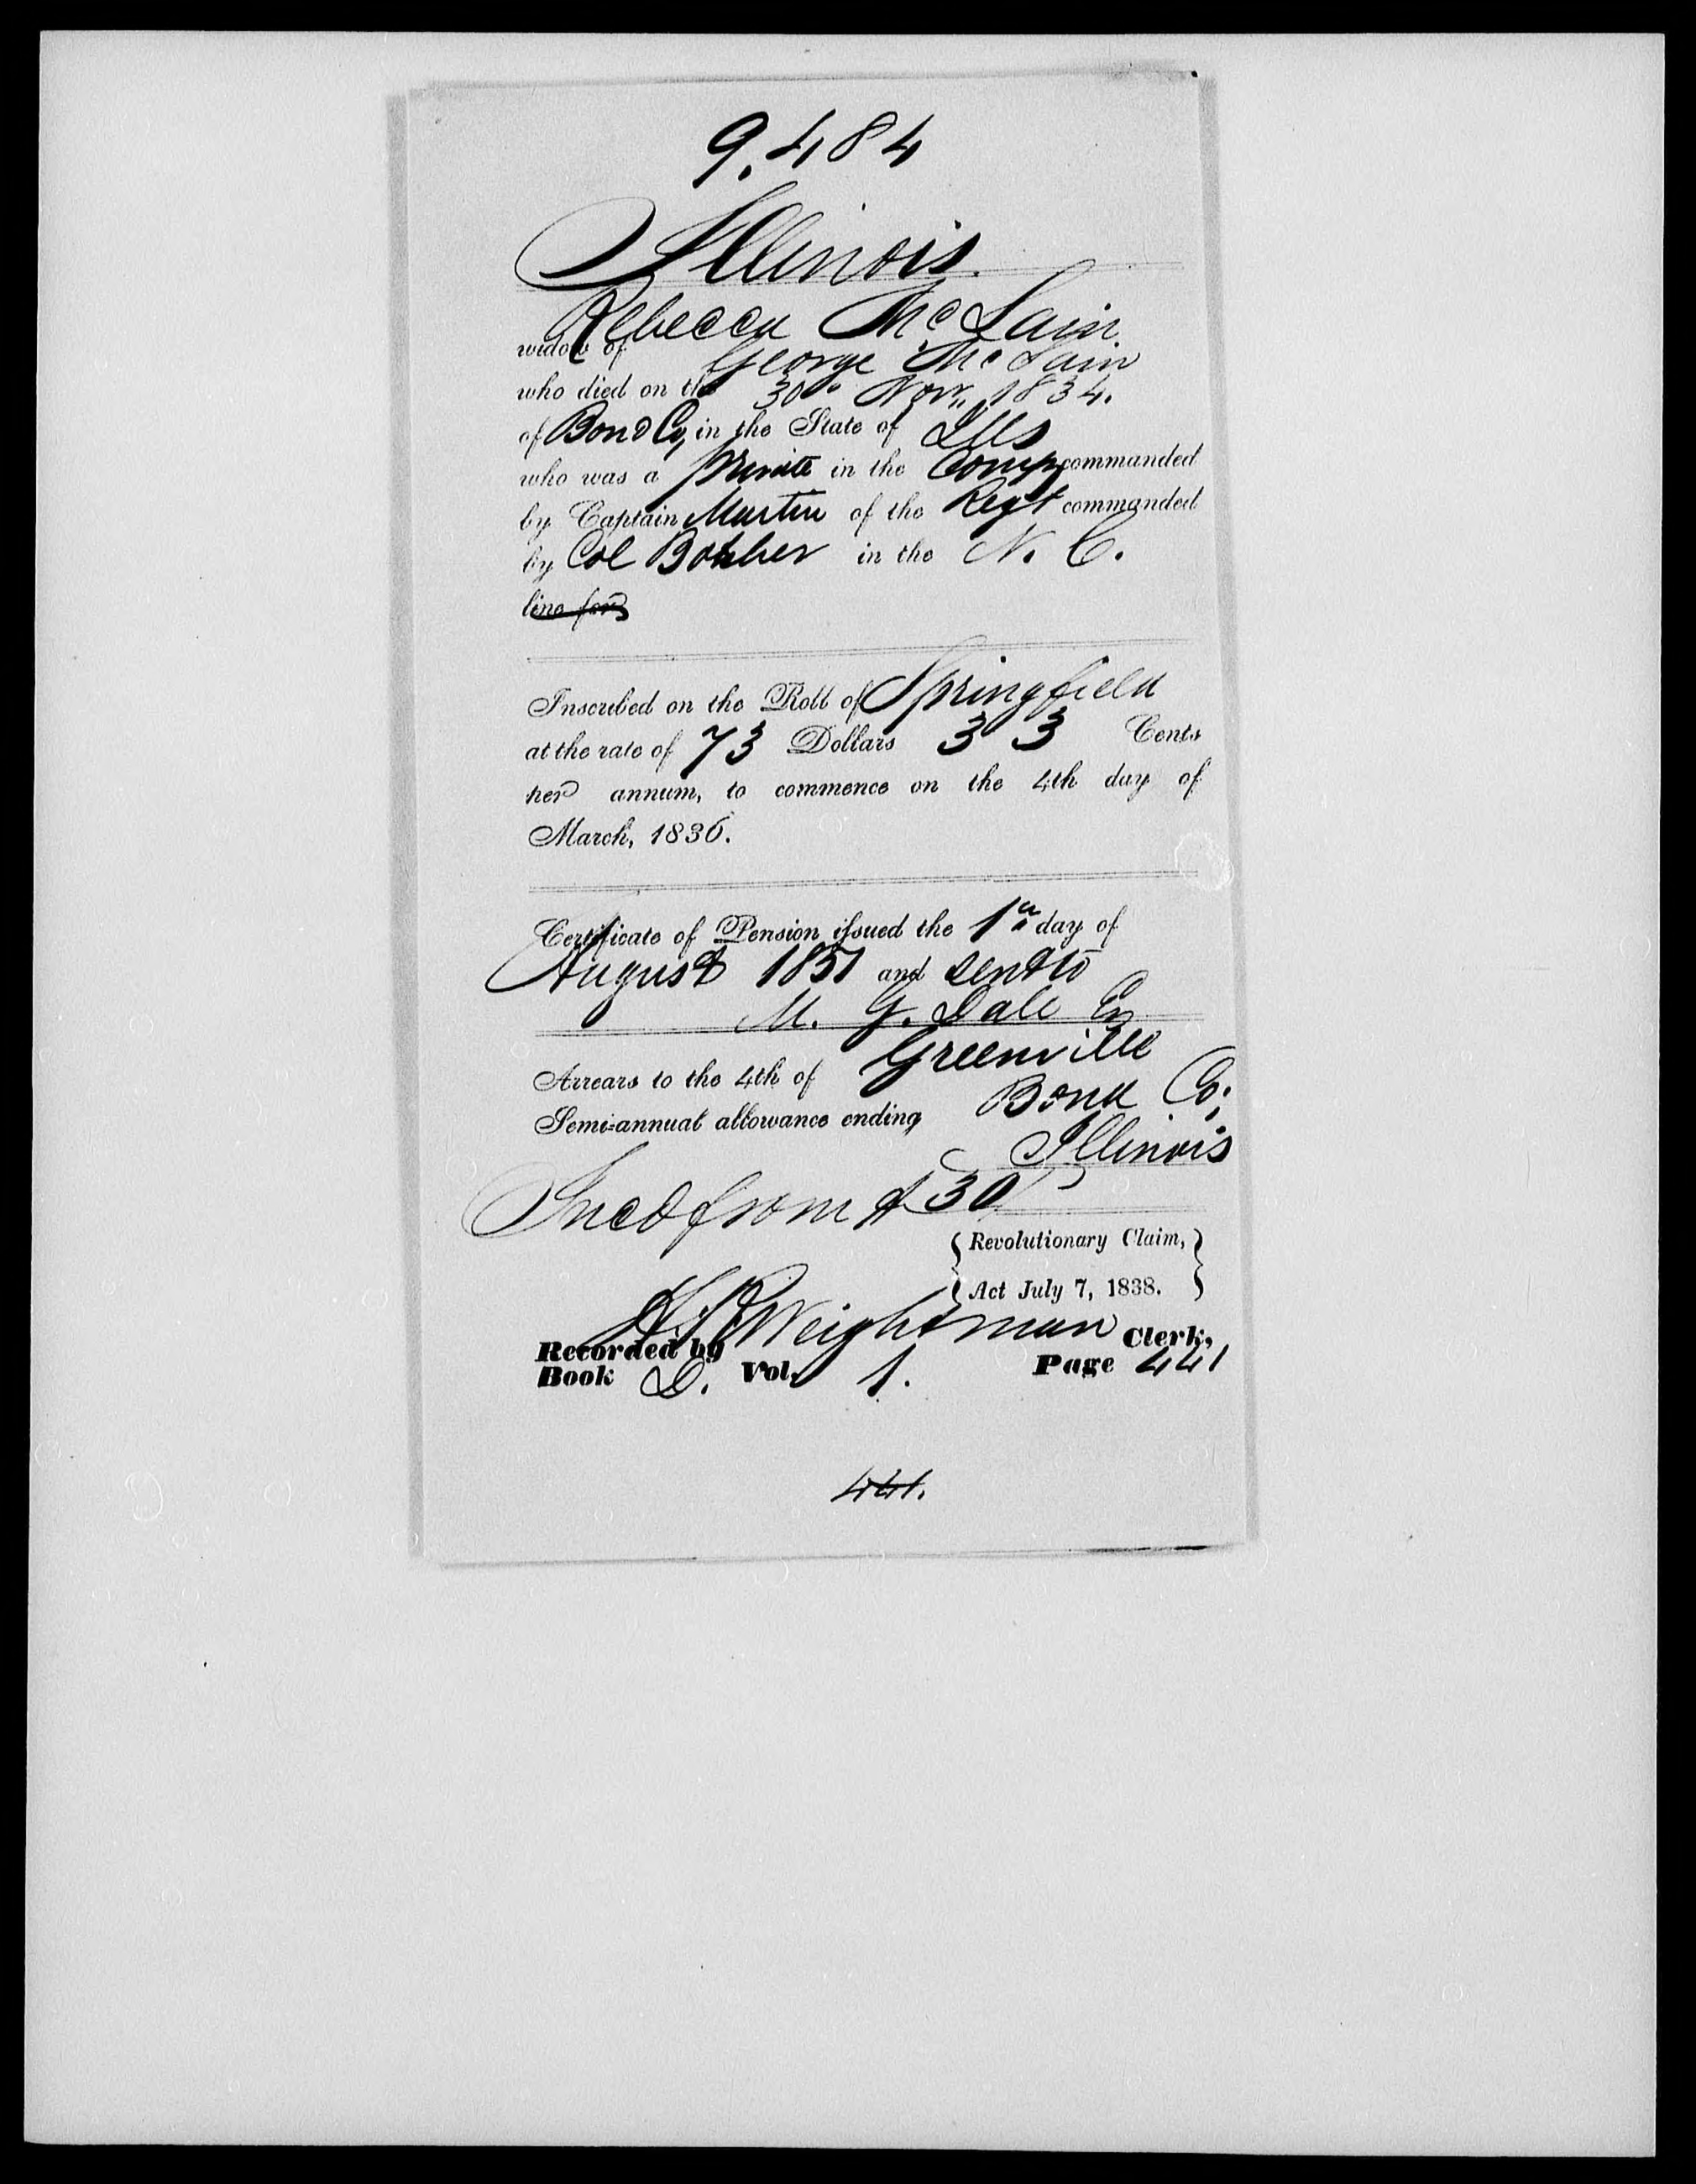[typed form, with handwritten responses]

9,484 
Illinois
Rebecca McLain widow of George McLain 
who died on the 30th Nov.r [November] 1834, of Bond Co. in the State of Ills who was a private of the Regt. commanded by Captain Martin of the Regt commanded by Col Barber in the N. C.

Inscribed on the Roll of Springfield at the rate of 73 Dollars 33 Cents per annum, to commence on the 4th day of March, 1836. 

Certificate of Pension issued the 1st day of August 1851 and sent to M. G. Dale Esq. Greenville Bond Co. Illinois

Arrears to 4th of [blank]
Semi-annual allowance ending [blank]
Incd [Increased] from $30

{Revolutionary Claim,} 
{Act July 7, 1838.}

Recorded by H. R. Weightman Clerk,
Book D. Vol. 1. Page 441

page: 28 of 67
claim: widow's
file: W. 21793, for George Mc Lain, North Carolina